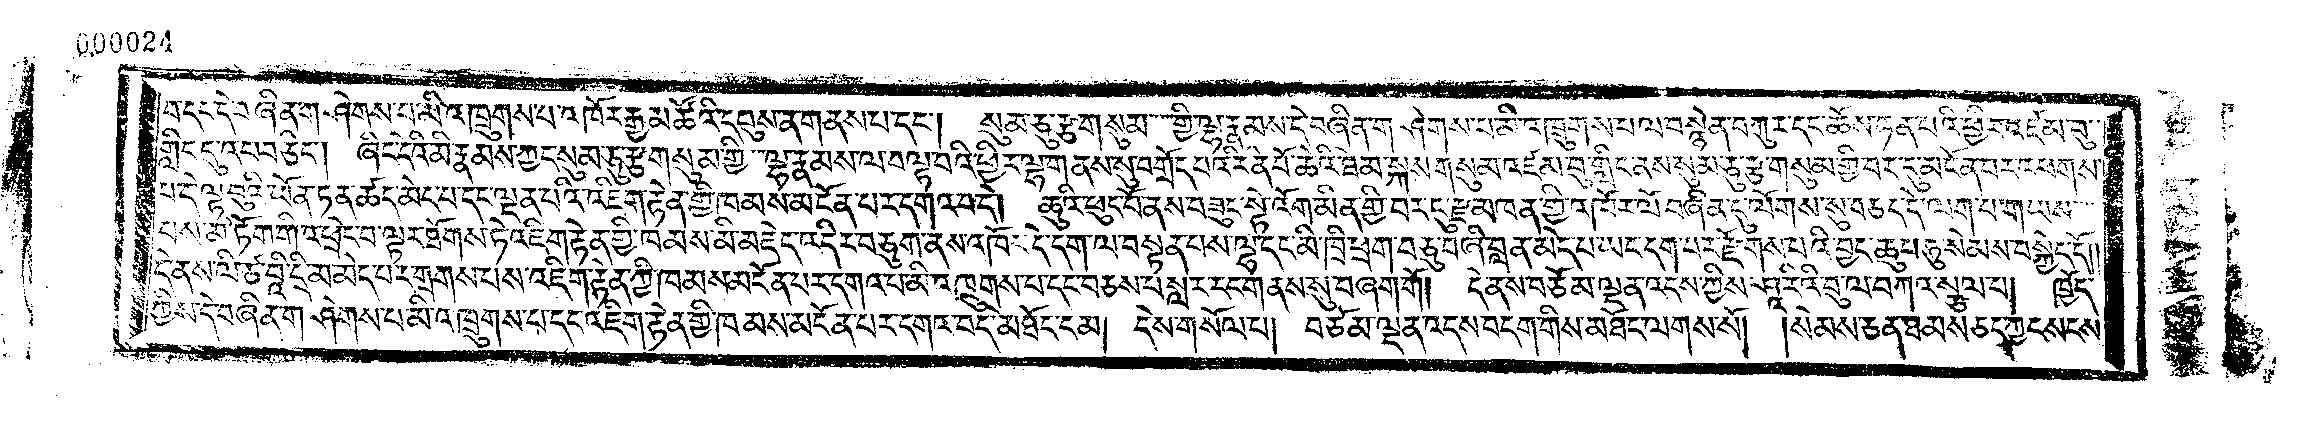བ་དང་དེ་བཞིན་གཤེགས་པ་མི་འཁྲུགས་པ་འཁོར་རྒྱ་མཚོའི་དབུས་ན་གནས་པ་དང་། སུམ་ཅུ་རྩ་གསུམ་གྱི་ལྷ་རྣམས་དེ་བཞིན་གཤེགས་པ་མི་འཁྲུགས་པ་ལ་བསྙེན་བཀུར་དང་ཆོས་ཉན་པའི་ཕྱིར་འཛམ་བུ་
གླིང་དུ་འབབ་ཅིང་། ཞིང་དེའི་མི་རྣམས་ཀྱང་སུམ་ཅུ་རྩ་གསུམ་གྱི་ལྷ་རྣམས་ལ་བལྟ་བའི་ཕྱིར་ལྷ་གནས་སུ་བགྲོད་པའི་རིན་པོ་ཆེའི་ཐེམ་སྐས་གསུམ་འཛམ་བུ་གླིང་ནས་སུམ་ཅུ་རྩ་གསུམ་གྱི་བར་དུ་མངོན་པར་འཕགས་
པ་དེ་ལྟ་བུའི་ཡོན་ཏན་ཚད་མེད་པ་དང་ལྡན་པའི་འཇིག་རྟེན་གྱི་ཁམས་མངོན་པར་དགའ་བ་དེ། ཆུའི་ཕུང་པོ་ནས་བཟུང་སྟེ་འོག་མིན་གྱི་བར་དུ་རྫ་མཁན་གྱི་འཁོར་ལོ་བཞིན་དུ་ལོགས་སུ་བཅད་དེ་ལག་པ་གཡས་
པས་མེ་ཏོག་གི་འཕྲེང་བ་ལྟར་ཐོགས་ཏེ་འཇིག་རྟེན་གྱི་ཁམས་མི་མཇེད་འདིར་བཅུག་ནས་འཁོར་དེ་དག་ལ་བསྟན་པས་ལྷ་དང་མི་ཁྲི་ཕྲག་བཅུ་བཞི་བླ་ན་མེད་པ་ཡང་དག་པར་རྫོགས་པའི་བྱང་ཆུབ་ཏུ་སེམས་བསྐྱེད་དོ། །
དེ་ནས་ལི་ཙ་བཱི་དྲི་མ་མེད་པར་གྲགས་པས་འཇིག་རྟེན་གྱི་ཁམས་མངོན་པར་དགའ་བ་མི་འཁྲུགས་པ་དང་བཅས་པ་སླར་རང་གནས་སུ་བཞག་གོ། དེ་ནས་བཅོམ་ལྡན་འདས་ཀྱིས་ཤཱ་རིའི་བུ་ལ་བཀའ་སྩལ་པ། ཁྱོད་
ཀྱིས་དེ་བཞིན་གཤེགས་པ་མི་འཁྲུགས་པ་དང་འཇིག་རྟེན་གྱི་ཁམས་མངོན་པར་དགའ་བ་དེ་མཐོང་ངམ། དེས་གསོལ་པ། བཅོམ་ལྡན་འདས་བདག་གིས་མཐོང་ལགས་སོ། །སེམས་ཅན་ཐམས་ཅད་ཀྱང་སངས་